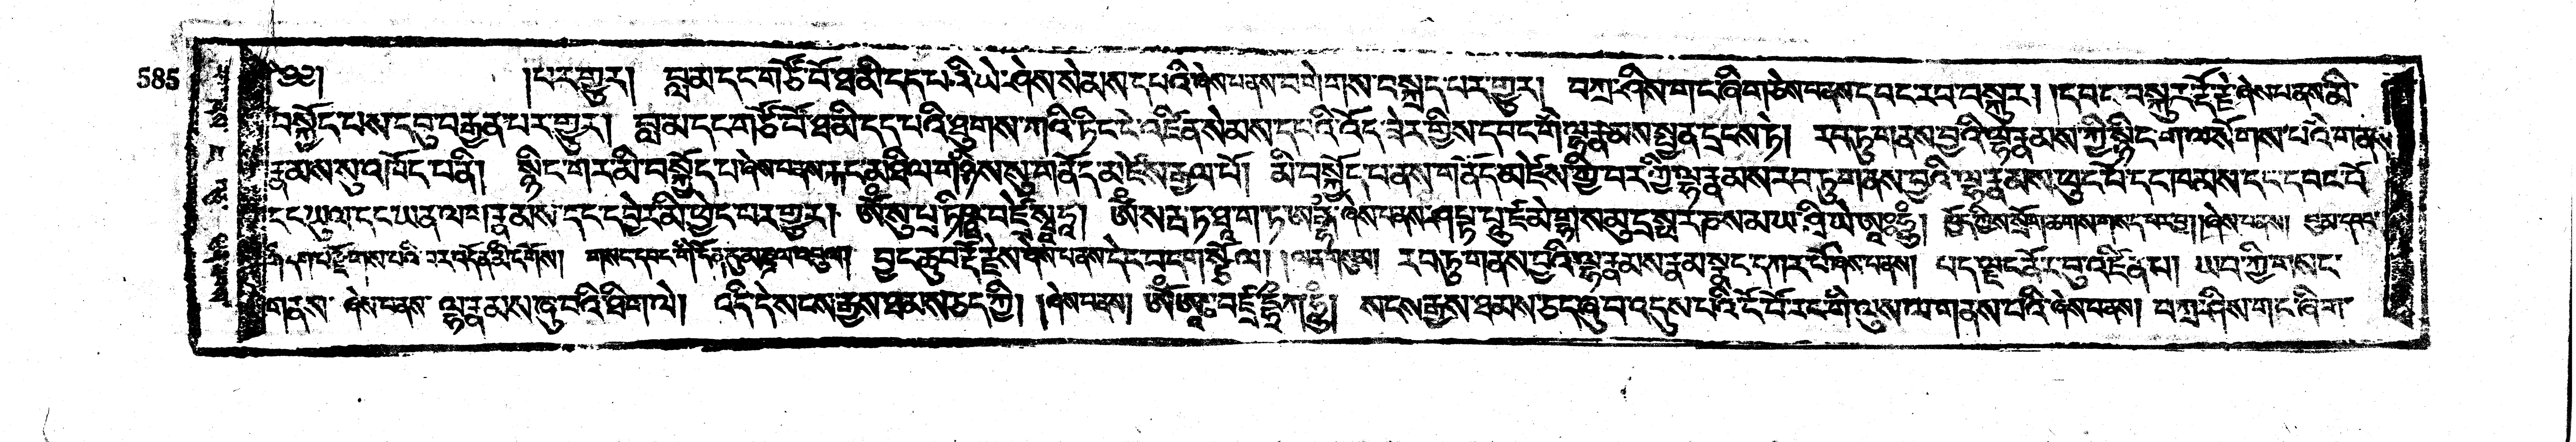༄༅། །པར་གྱུར། བླ་མ་དང་གཙོ་བོ་ཐ་མི་དད་པའི་ཡེ་ཤེས་སེམས་དཔའི་ཞེས་པ་ནས་བགེགས་བསྐྱོད་པར་གྱུར། བཀྲ་ཤིས་གང་ཞིག་ཅེས་པ་ནས་དབང་རབ་བསྐུར། །དབང་བསྐུར་རྡོ་རྗེ་ཞེས་པ་ནས་མི་
བསྐྱོད་པས་དབུ་བརྒྱན་པར་གྱུར། བླ་མ་དང་གཙོ་བོ་ཐ་མི་དད་པའི་ཐུགས་ཀའི་ཏིང་ངེ་འཛིན་སེམས་དཔའི་འོད་ཟེར་གྱིས་དབང་གི་ལྷ་རྣམས་སྤྱན་དྲངས་ཏེ། རབ་ཏུ་གནས་བྱའི་ལྷ་རྣམས་ཀྱི་སྙིང་ག་ལ་སོགས་པའི་གནས་
རྣམས་སུ་འཁོད་པ་ནི། སྙིང་གར་མི་བསྐྱོད་པ་ཞེས་པ་ནས་རྐང་མཐིལ་གཉིས་སུ་གནོད་མཛེས་རྒྱལ་པོ། མི་བསྐྱོད་པ་ནས་གནོད་མཛེས་ཀྱི་བར་གྱི་ལྷ་རྣམས་རབ་ཏུ་གནས་བྱའི་ལྷ་རྣམས་ཕུང་པོ་དང་ཁམས་དང་དབང་པོ་
དང་ཡུལ་དང་ཡན་ལག་རྣམས་དང་དབྱེར་མི་ཕྱེད་པར་གྱུར། ཨོཾ་སུ་པྲ་ཏིཥྚྷ་བཛྲེ་སྭཱཧཱ། ཨོཾ་སརྦ་ཏ་ཐཱ་ག་ཏ་ཨརྒྷཾ་ཞེས་པ་ནས་ཤཔྟ་པཱུ་ཛ་མེ་གྷ་ས་མུ་དྲ་སྥར་ཎ་ས་མ་ཡ་ཤྲི་ཡེ་ཨཱཿཧཱུཾ། ཁྱོད་ཀྱིས་སྲོག་ཆགས་གསད་པར་བྱ། །ཞེས་པ་ནས། ཞུམ་དབང་
གི་དག་པ་རྫོགས་པའི་བར་འདོན་མི་དགོས། གསང་དབང་གི་དོན་དུ་མཎྜལ་འབུལ། བྱང་ཆུབ་རྡོ་རྗེས་ཞེས་པ་ནས་དེང་བདག་སྩོལ། །ལན་གསུམ།  རབ་ཏུ་གནས་བྱའི་ལྷ་རྣམས་རྣམ་སྣང་དཀར་པོ་ཞེས་པ་ནས།  པད་ལྗང་ནོར་བུ་འཛིན་པ། ཡབ་ཀྱི་གསང་
གནས། ཞེས་པ་ནས་ལྷ་རྣམས་ཞུ་བའི་ཐིག་ལེ། འདི་དེ་སངས་རྒྱས་ཐམས་ཅད་ཀྱི། །ཞེས་པ་ནས།  ཨོཾ་ཨཱཿབཛྲ་དྷྲྀ་ཀ་ཧཱུཾ། སངས་རྒྱས་ཐམས་ཅད་ཞུ་བ་འདུས་པའི་ངོ་བོ་རང་གི་ལུས་ལ་གནས་པའི་ཞེས་པ་ནས།  བཀྲ་ཤིས་གང་ཞིག་